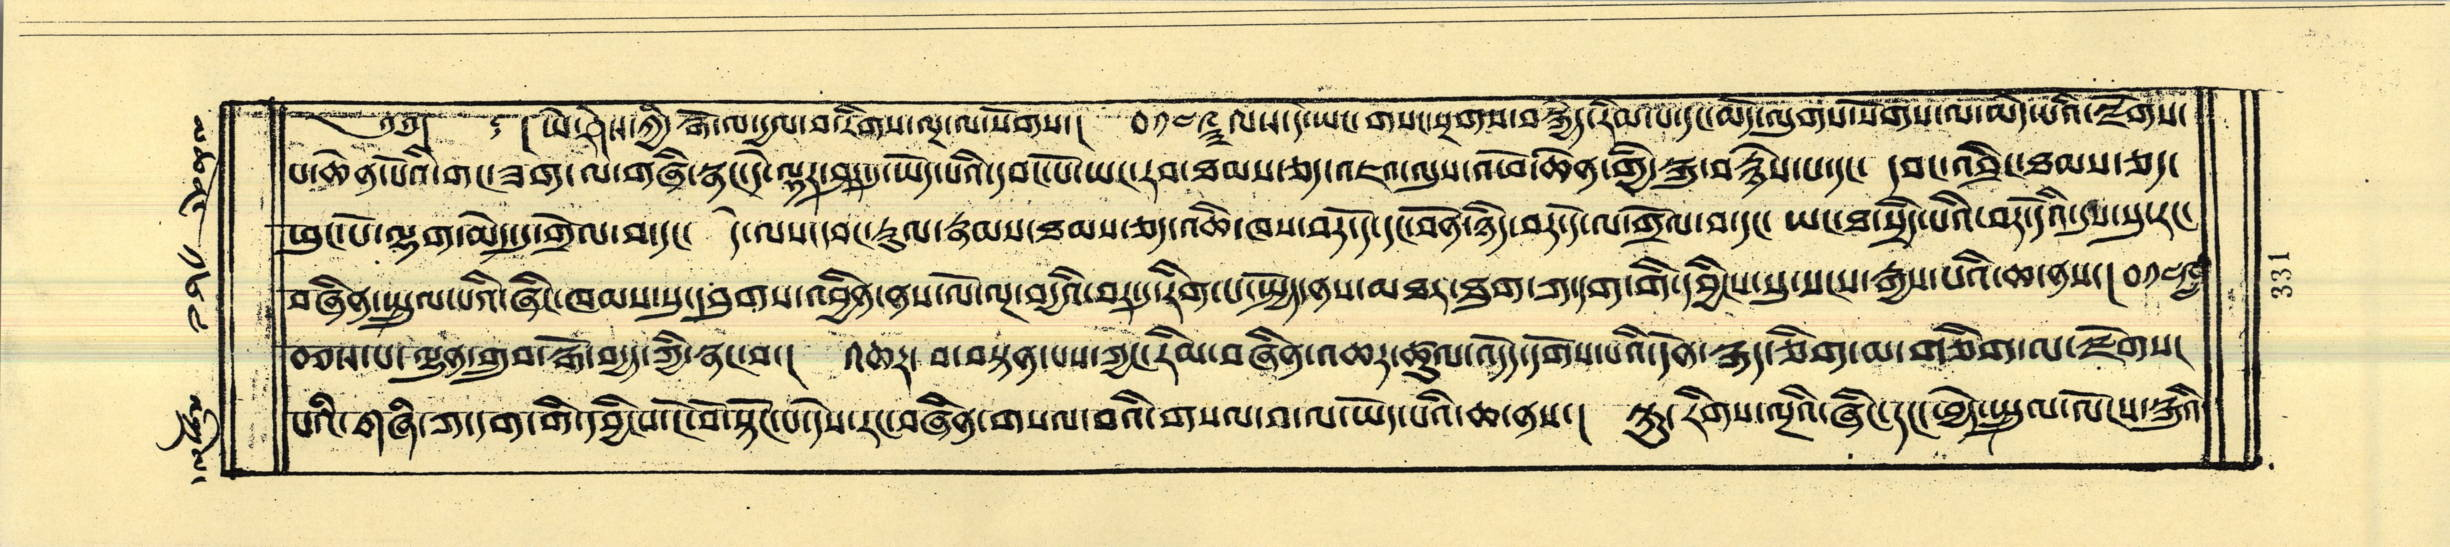༼ཡེ་ཤེས་ཀྱི་༽སྒོ་ལ་རྒྱལ་བ་རིགས་ལྔ་ལ་སོགས། བ༡༤༩།༣ ༼ལས་༽དེ་ཡང་གསང་སྔགས་བསྐྱེད་རིམ་པ་དང་མདོ་ལུགས་སོགས་ལ་མེད་པའི་སྫོགས་
པ་ཆེན་པོའི་གང་ཟག་ལ་གཞི་སྣང་དེ་ལྟར་ཤར་དུ་ཡོད་པའི་དབང་པོ་ཡང་རབ་ཐམས་ཅད་འཇའ་ལུས་འཕོ་ཆེན་གྱི་སྐུ་བརྙེས་པ་དང། དབང་འབྲིང་ཐམས་ཅད་
ཕུང་པོ་ལྷག་མེད་དུ་གྲོལ་བ་དང། དེ་ལས་དབང་རྟུལ་རྣམས་ཐམས་ཅད་འཆི་ཁས་བར་དོ་དང་བོན་ཉིད་བར་དོ་ལ་གྲོལ་བ་དང། ཡང་ཐ་སྲིད་པའི་བར་དོའི་དུས་སུ་རང་
བཞིན་སྤྲུལ་པའི་ཞིང་ཁམས་སུ་དབུགས་འབྱིན་ནས་ལོ་ལྔ་བརྒྱའི་བར་དུ་རིག་པ་སྤྱོད་ནས་མཐར་ཐུག་ཀ་དག་གི་དབྱིངས་སུ་སངས་རྒྱས་པའི་ཆ་ནས། བ༡༤༩།༤ 
༼བཅས་པ་༽ལྷུན་གྲུབ་སྒོ་བརྒྱད་ཀྱི་སྣང་བ། ༼འཆར་༽བ་བསྟན་པས་ཀྱང་རིམ་བཞིན་འཆར་ཚུལ་འདོད་དགོས་པའི་དོན་སྐད་ཅིག་མ་གཅིག་ལ་སྫོགས་
པའི་ ༼གཞི་༽ཀ་དག་གི་དབྱིངས་ངོ་བོ་སྟོང་པ་དེས་རང་བཞིན་གསལ་བའི་གསལ་བ་ལ་ཡོད་པའི་ཆ་ནས། ༼སྐུ་༽རིགས་ལྔའི་ཞིང་དང་ཕྱེད་སྤྲུལ་ལོངས་སྐུའི་